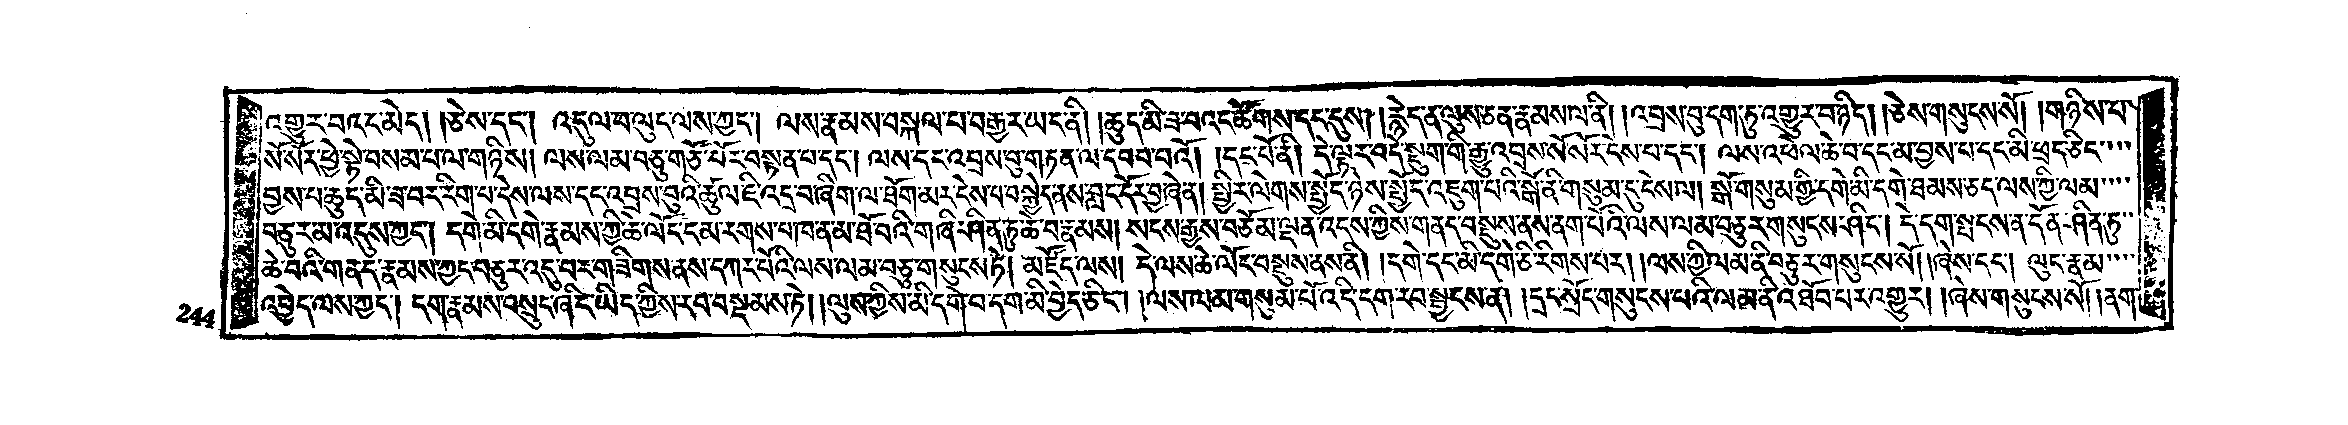འགྱུར་བའང་མེད། །ཅེས་དང་། འདུལ་བ་ལུང་ལས་ཀྱང་། ལས་རྣམས་བསྐལ་པ་བརྒྱར་ཡང་ནི། །ཆུད་མི་ཟ་བའང་ཚོགས་དང་དུས། །རྙེད་ན་ལུས་ཅན་རྣམས་ལ་ནི། །འབྲས་བུ་དག་ཏུ་འགྱུར་བ་ཉིད། །ཅེས་གསུངས་སོ། །གཉིས་པ་
སོ་སོར་ཕྱེ་སྟེ་བསམ་པ་ལ་གཉིས། ལས་ལམ་བཅུ་གཙོ་བོར་བསྟན་པ་དང་། ལས་དང་འབྲས་བུ་གཏན་ལ་དབབ་པའོ། །དང་པོ་ནི། དེ་ལྟར་བདེ་སྡུག་གི་རྒྱུ་འབྲས་སོ་སོར་ངེས་པ་དང་། ལས་འཕེལ་ཆེ་བ་དང་མ་བྱས་པ་དང་མི་ཕྲད་ཅིང་
བྱས་པ་ཆུད་མི་ཟ་བར་རིག་པ་དེས་ལས་དང་འབྲས་བུའི་ཚུལ་ཇི་འདྲ་བ་ཞིག་ལ་ཐོག་མར་ངེས་པ་བསྐྱེད་ནས་བླང་དོར་བྱ་ཞེ་ན། སྤྱིར་ལེགས་སྤྱོད་ཉེས་སྤྱོད་འཇུག་པའི་སྒོ་ནི་གསུམ་དུ་ངེས་ལ། སྒོ་གསུམ་གྱི་དགེ་མི་དགེ་ཐམས་ཅད་ལས་ཀྱི་ལམ་
བཅུར་མ་འདུས་ཀྱང་། དགེ་མི་དགེ་རྣམས་ཀྱི་ཆེ་ལོང་ངམ་རགས་པ་ཁ་ན་མ་ཐོ་བའི་གཞི་ཤིན་ཏུ་ཆེ་བ་རྣམས། སངས་རྒྱས་བཅོམ་ལྡན་འདས་ཀྱིས་གནད་བསྡུས་ནས་ནག་པོའི་ལས་ལམ་བཅུར་གསུངས་ཤིང་། དེ་དག་སྤངས་ན་དོན་ཤིན་ཏུ་
ཆེ་བའི་གནད་རྣམས་ཀྱང་བཅུར་འདུ་བར་གཟིགས་ནས་དཀར་པོའི་ལས་ལམ་བཅུ་གསུངས་ཏེ། མཛོད་ལས། དེ་ལས་ཆེ་ལོང་བསྡུས་ནས་ནི། །དགེ་དང་མི་དགེ་ཅི་རིགས་པར། །ལས་ཀྱི་ལམ་ནི་བཅུར་གསུངས་སོ། །ཞེས་དང་། ལུང་རྣམ་
འབྱེད་ལས་ཀྱང་། ངག་རྣམས་བསྲུང་ཞིང་ཡིད་ཀྱིས་རབ་བསྡམས་ཏེ། །ལུས་ཀྱིས་མི་དགེ་བ་དག་མི་བྱེད་ཅིང་། །ལས་ལམ་གསུམ་པོ་འདི་དག་རབ་སྦྱངས་ན། །དྲང་སྲོང་གསུངས་པའི་ལམ་ནི་འཐོབ་པར་འགྱུར། །ཞེས་གསུངས་སོ། །ནག་